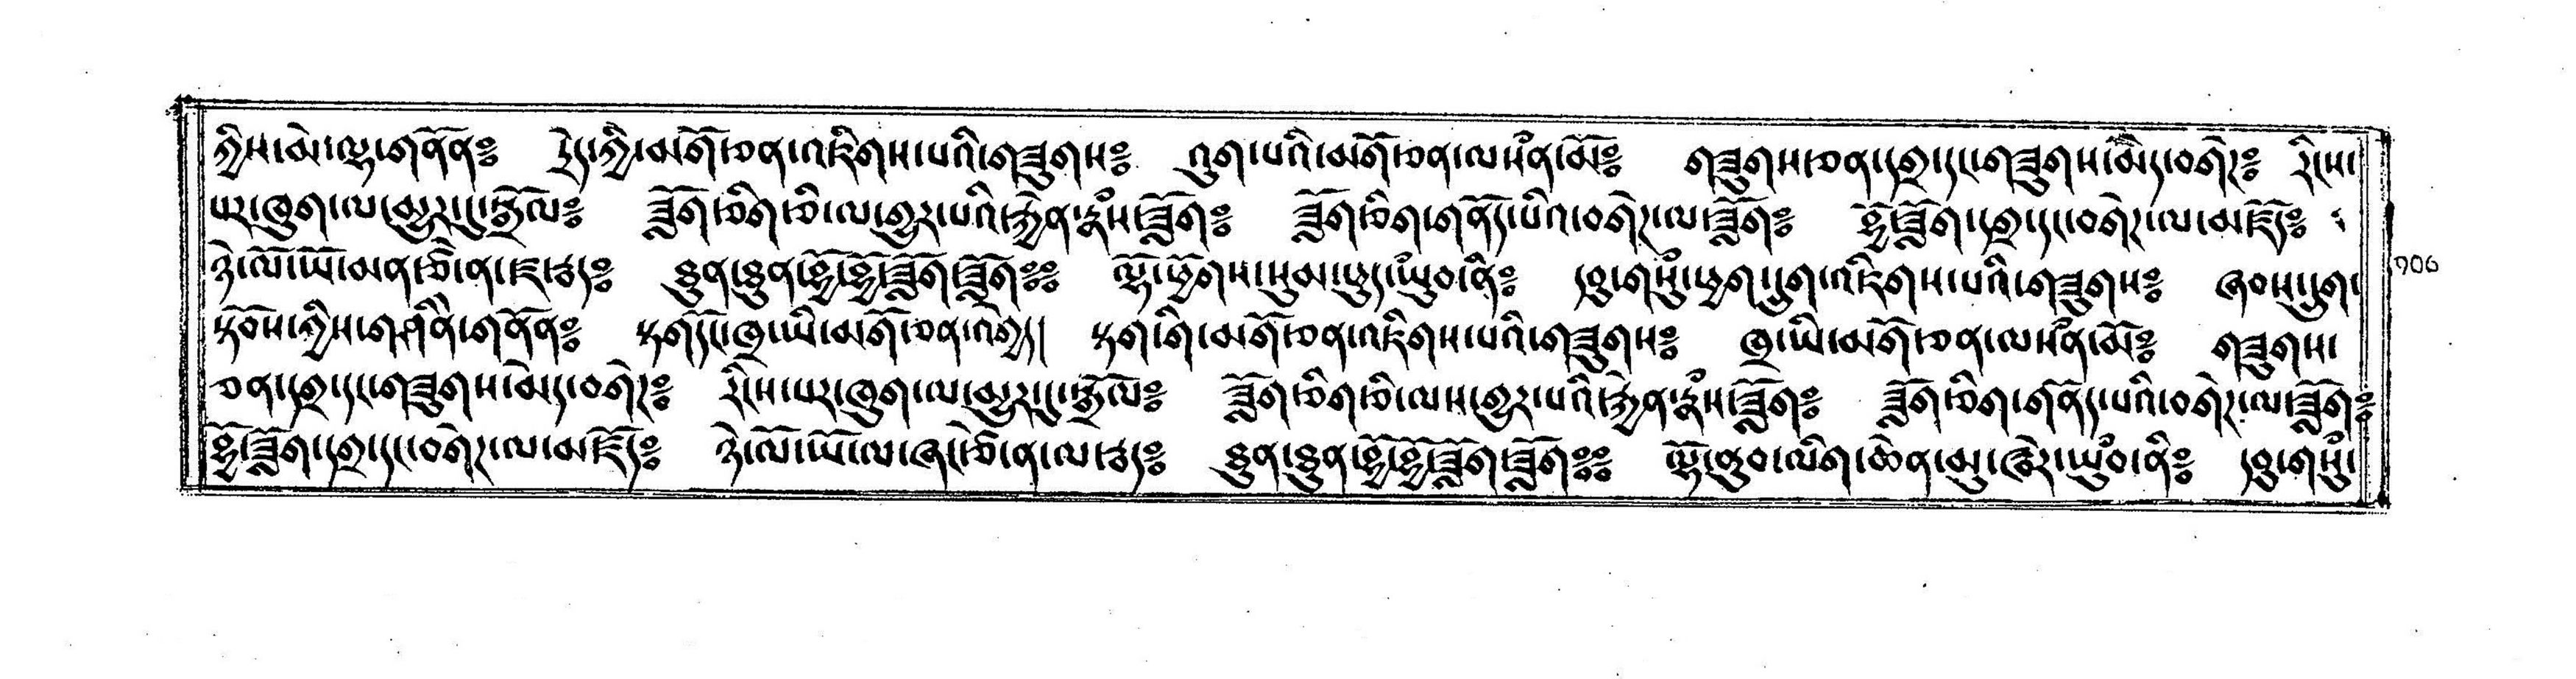ཀྱིས་མེ་ལྷ་གནོན༔ དྲེད་ཀྱི་མགོ་ཅན་འཇིགས་པའི་གཟུགས༔ འུག་པའི་མགོ་ཅན་ལས་མཁན་མོ༔ གཟུགས་ཅན་དགྲ་དང་གཟུགས་མེད་བགེགས༔ རིངས་
པར་ཁུག་ལ་མྱུར་དུ་སྒྲོལ༔ ཟློག་ཅིག་ཅི་ལ་གྱུར་པའི་རྐྱེན་རྣམས་ཟློག༔ ཟློག་ཅིག་གནོད་པའི་བགེགས་ལ་ཟློག༔ བྷྱོ་ཟློག་དགྲ་དང་བགེགས་ལ་མཛོད༔ 
ཉེ་ལོ་ཡོ་མན་ཙེ་ན་ཛ་རྦད༔ ཐུན་ཐུན་བྷྱོ་བྷྱོ་ཟློག་ཟློག༔༔ ལྷོ་ཕྱོགས་སུམ་ཕུད་ཡབ་ཡུམ་ནི༔ དབུ་གསུམ་ཕྱག་དྲུག་འཇིགས་པའི་གཟུགས༔ ཞབས་དྲུག་
སྟོབས་ཀྱིས་གཤིན་རྗེ་གནོན༔ སྟག་གདོང་ཁྲ་ཡི་མགོ་ཅན་འགྱེད། སྟག་གི་མགོ་ཅན་འཇིགས་པའི་གཟུགས༔ ཁྲ་ཡི་མགོ་ཅན་ལས་མཁན་མོ༔ གཟུགས་
ཅན་དགྲ་དང་གཟུགས་མེད་བགེགས༔ རིངས་པར་ཁུག་ལ་མྱུར་དུ་སྒྲོལ༔ ཟློག་ཅིག་ཅི་ལས་གྱུར་པའི་རྐྱེན་རྣམས་ཟློག༔ ཟློག་ཅིག་གནོད་པའི་བགེགས་ལ་ཟློག༔ 
བྷྱོ་ཟློག་དགྲ་དང་བགེགས་ལ་མཛོད༔ ཉེ་ལོ་ཡོ་ལ་ཞང་ཙེ་ན་ལ་རྦད༔ ཐུན་ཐུན་བྷྱོ་བྷྱོ་ཟློག་ཟློག༔༔ ལྷོ་ནུབ་ལིག་ཆེན་མུ་ཝེར་ཡབ་ཡུམ་ནི༔ དབུ་གསུམ་